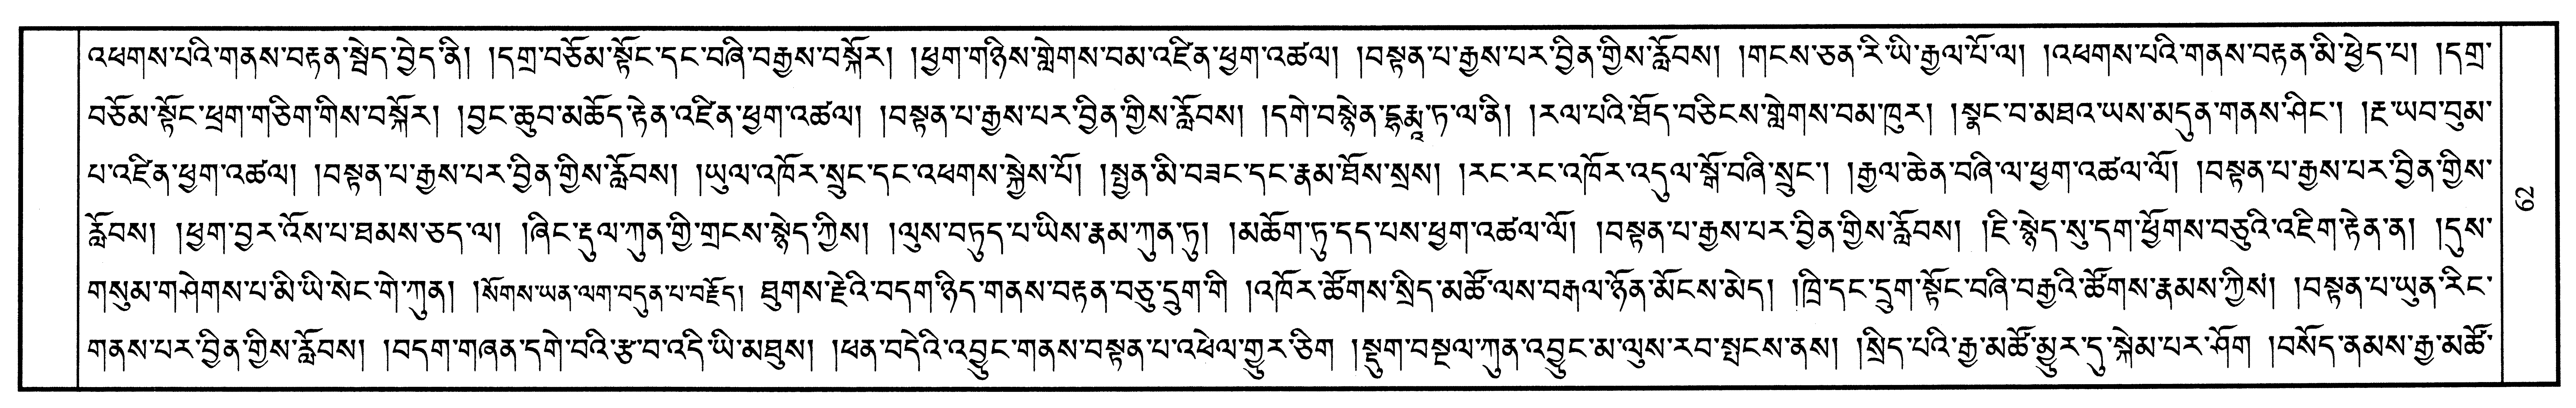འཕགས་པའི་གནས་བརྟན་སྦེད་བྱེད་ནི། །དགྲ་བཅོམ་སྟོང་དང་བཞི་བརྒྱས་བསྐོར། །ཕྱག་གཉིས་གླེགས་བམ་འཛིན་ཕྱག་འཚལ། །བསྟན་པ་རྒྱས་པར་བྱིན་གྱིས་རློབས། །གངས་ཅན་རི་ཡི་རྒྱལ་པོ་ལ། །འཕགས་པའི་གནས་བརྟན་མི་ཕྱེད་པ། །དགྲ་
བཅོམ་སྟོང་ཕྲག་གཅིག་གིས་བསྐོར། །བྱང་ཆུབ་མཆོད་རྟེན་འཛིན་ཕྱག་འཚལ། །བསྟན་པ་རྒྱས་པར་བྱིན་གྱིས་རློབས། །དགེ་བསྙེན་དྷརྨཱ་ཏ་ལ་ནི། །རལ་པའི་ཐོད་བཅིངས་གླེགས་བམ་ཁུར། །སྣང་བ་མཐའ་ཡས་མདུན་གནས་ཤིང་། །རྔ་ཡབ་བུམ་
པ་འཛིན་ཕྱག་འཚལ། །བསྟན་པ་རྒྱས་པར་བྱིན་གྱིས་རློབས། །ཡུལ་འཁོར་སྲུང་དང་འཕགས་སྐྱེས་པོ། །སྤྱན་མི་བཟང་དང་རྣམ་ཐོས་སྲས། །རང་རང་འཁོར་འདུལ་སྒོ་བཞི་སྲུང་། །རྒྱལ་ཆེན་བཞི་ལ་ཕྱག་འཚལ་ལོ། །བསྟན་པ་རྒྱས་པར་བྱིན་གྱིས་
རློབས། །ཕྱག་བྱར་འོས་པ་ཐམས་ཅད་ལ། །ཞིང་རྡུལ་ཀུན་གྱི་གྲངས་སྙེད་ཀྱིས། །ལུས་བཏུད་པ་ཡིས་རྣམ་ཀུན་ཏུ། །མཆོག་ཏུ་དད་པས་ཕྱག་འཚལ་ལོ། །བསྟན་པ་རྒྱས་པར་བྱིན་གྱིས་རློབས། །ཇི་སྙེད་སུ་དག་ཕྱོགས་བཅུའི་འཇིག་རྟེན་ན། །དུས་
གསུམ་གཤེགས་པ་མི་ཡི་སེང་གེ་ཀུན། །སོགས་ཡན་ལག་བདུན་པ་བརྗོད། ཐུགས་རྗེའི་བདག་ཉིད་གནས་བརྟན་བཅུ་དྲུག་གི །འཁོར་ཚོགས་སྲིད་མཚོ་ལས་བརྒལ་ཉོན་མོངས་མེད། །ཁྲི་དང་དྲུག་སྟོང་བཞི་བརྒྱའི་ཚོགས་རྣམས་ཀྱིས། །བསྟན་པ་ཡུན་རིང་
གནས་པར་བྱིན་གྱིས་རློབས། །བདག་གཞན་དགེ་བའི་རྩ་བ་འདི་ཡི་མཐུས། །ཕན་བདེའི་འབྱུང་གནས་བསྟན་པ་འཕེལ་གྱུར་ཅིག །སྡུག་བསྔལ་ཀུན་འབྱུང་མ་ལུས་རབ་སྤངས་ནས། །སྲིད་པའི་རྒྱ་མཚོ་མྱུར་དུ་སྐེམ་པར་ཤོག །བསོད་ནམས་རྒྱ་མཚོ་